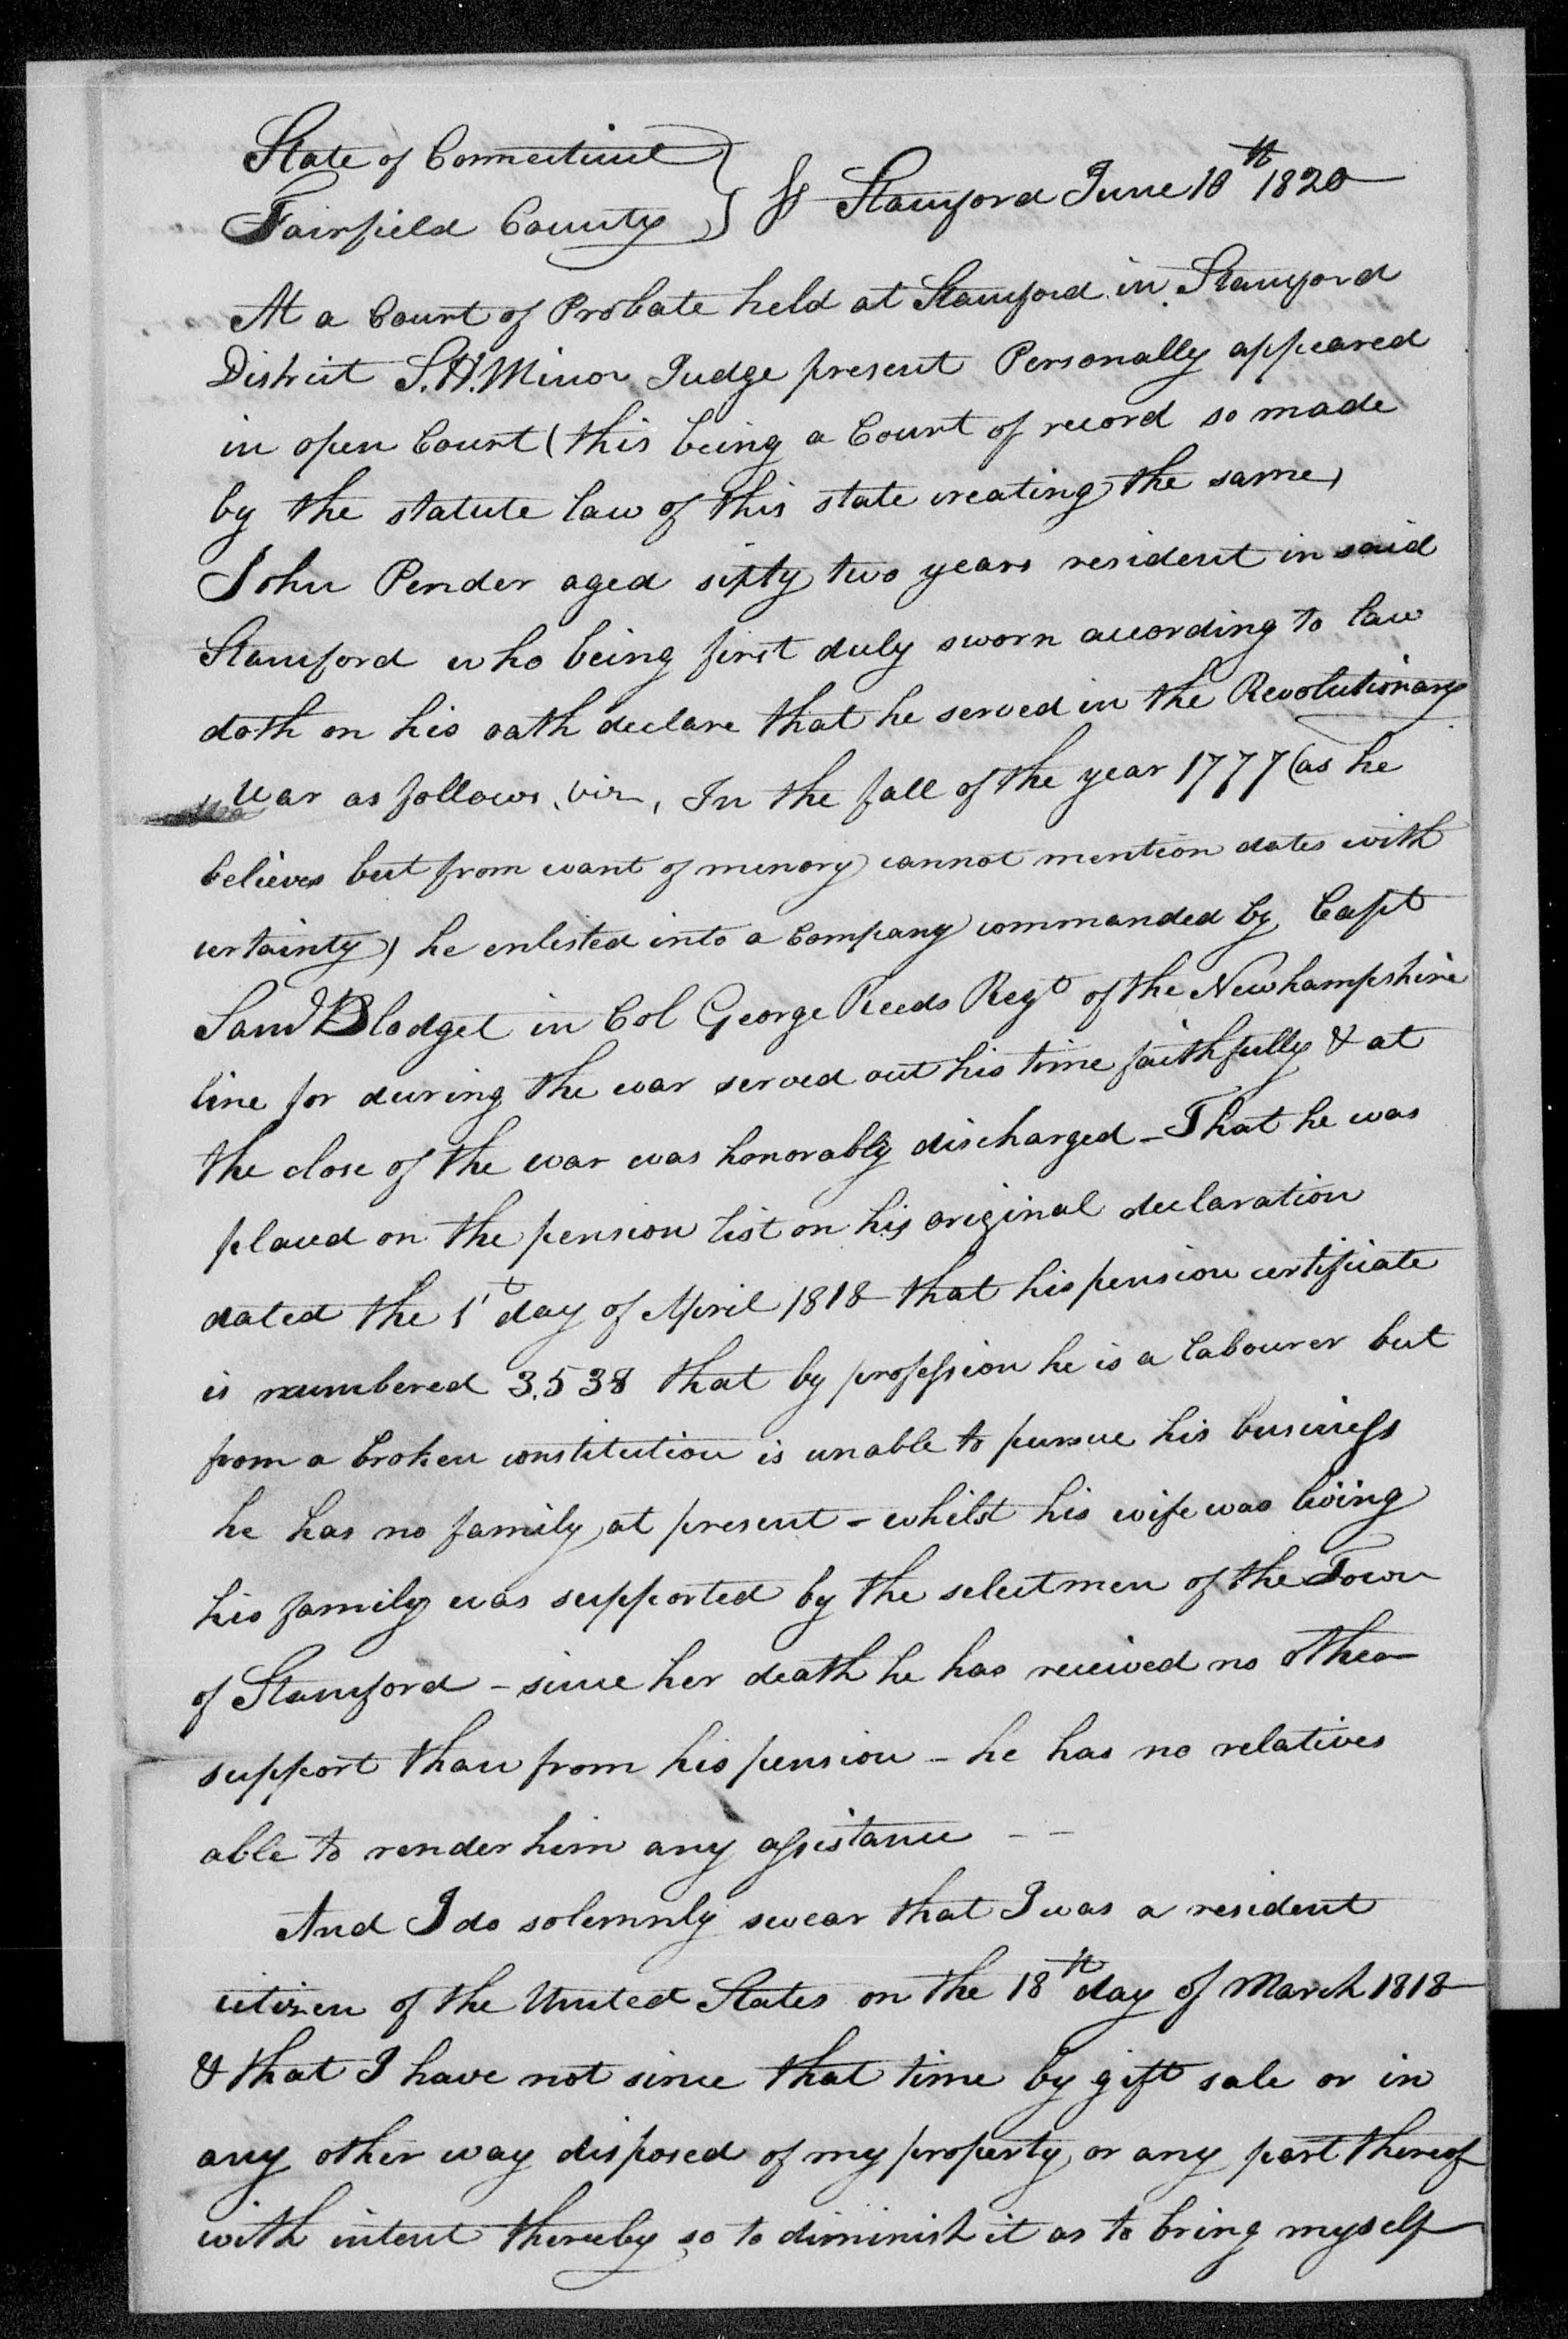State of Connecticut
Fairfield County
[illegible] Stamford June 18th, 1820

At a Court of Probate held at Stamford in Stamford District S.H. Minor Judge present personally appeared in open court (this being a court of record so made by the statute law of this state creating the same) John Pender aged sixty-two years resident in said Stamford who being first duly sworn according to law doth on his oath declare that he served in the Revolutionary War as follows, viz.  In the fall of the year 1777 (as he believes but from want of memory cannot mention dates with certainty) he enlisted into a company commanded by Capt. Saml Blodget in Col. George Reeds Regt. of the New Hampshire line for during the was served out his time faithfully & at the close of the war was honorably discharged-that he was placed on the pension list on his original declaration dated the 1st day of April 1818-that his pension certificate is numbered 3.538 that by  profession he is a laborer but from a broken constitution is unable to resume his business he has no family at present-whilst his wife was living his family was supported by selectmen of the town of Stamford-since her death he has received no other support than from his pension-he has no relatives able to render him any assistance.

And I do solemnly swear that I was a resident citizen of the United States on the 18th day of March 1818-& that I have not since that time by gift sale or in any other way disposed of my property or any part thereof with intent thereby so to diminish it as to bring myself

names: S H Minor; John Pender; Saml Blodget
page: 6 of 13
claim: survivor's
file: S. 36211, for John Pender, New Hampshire